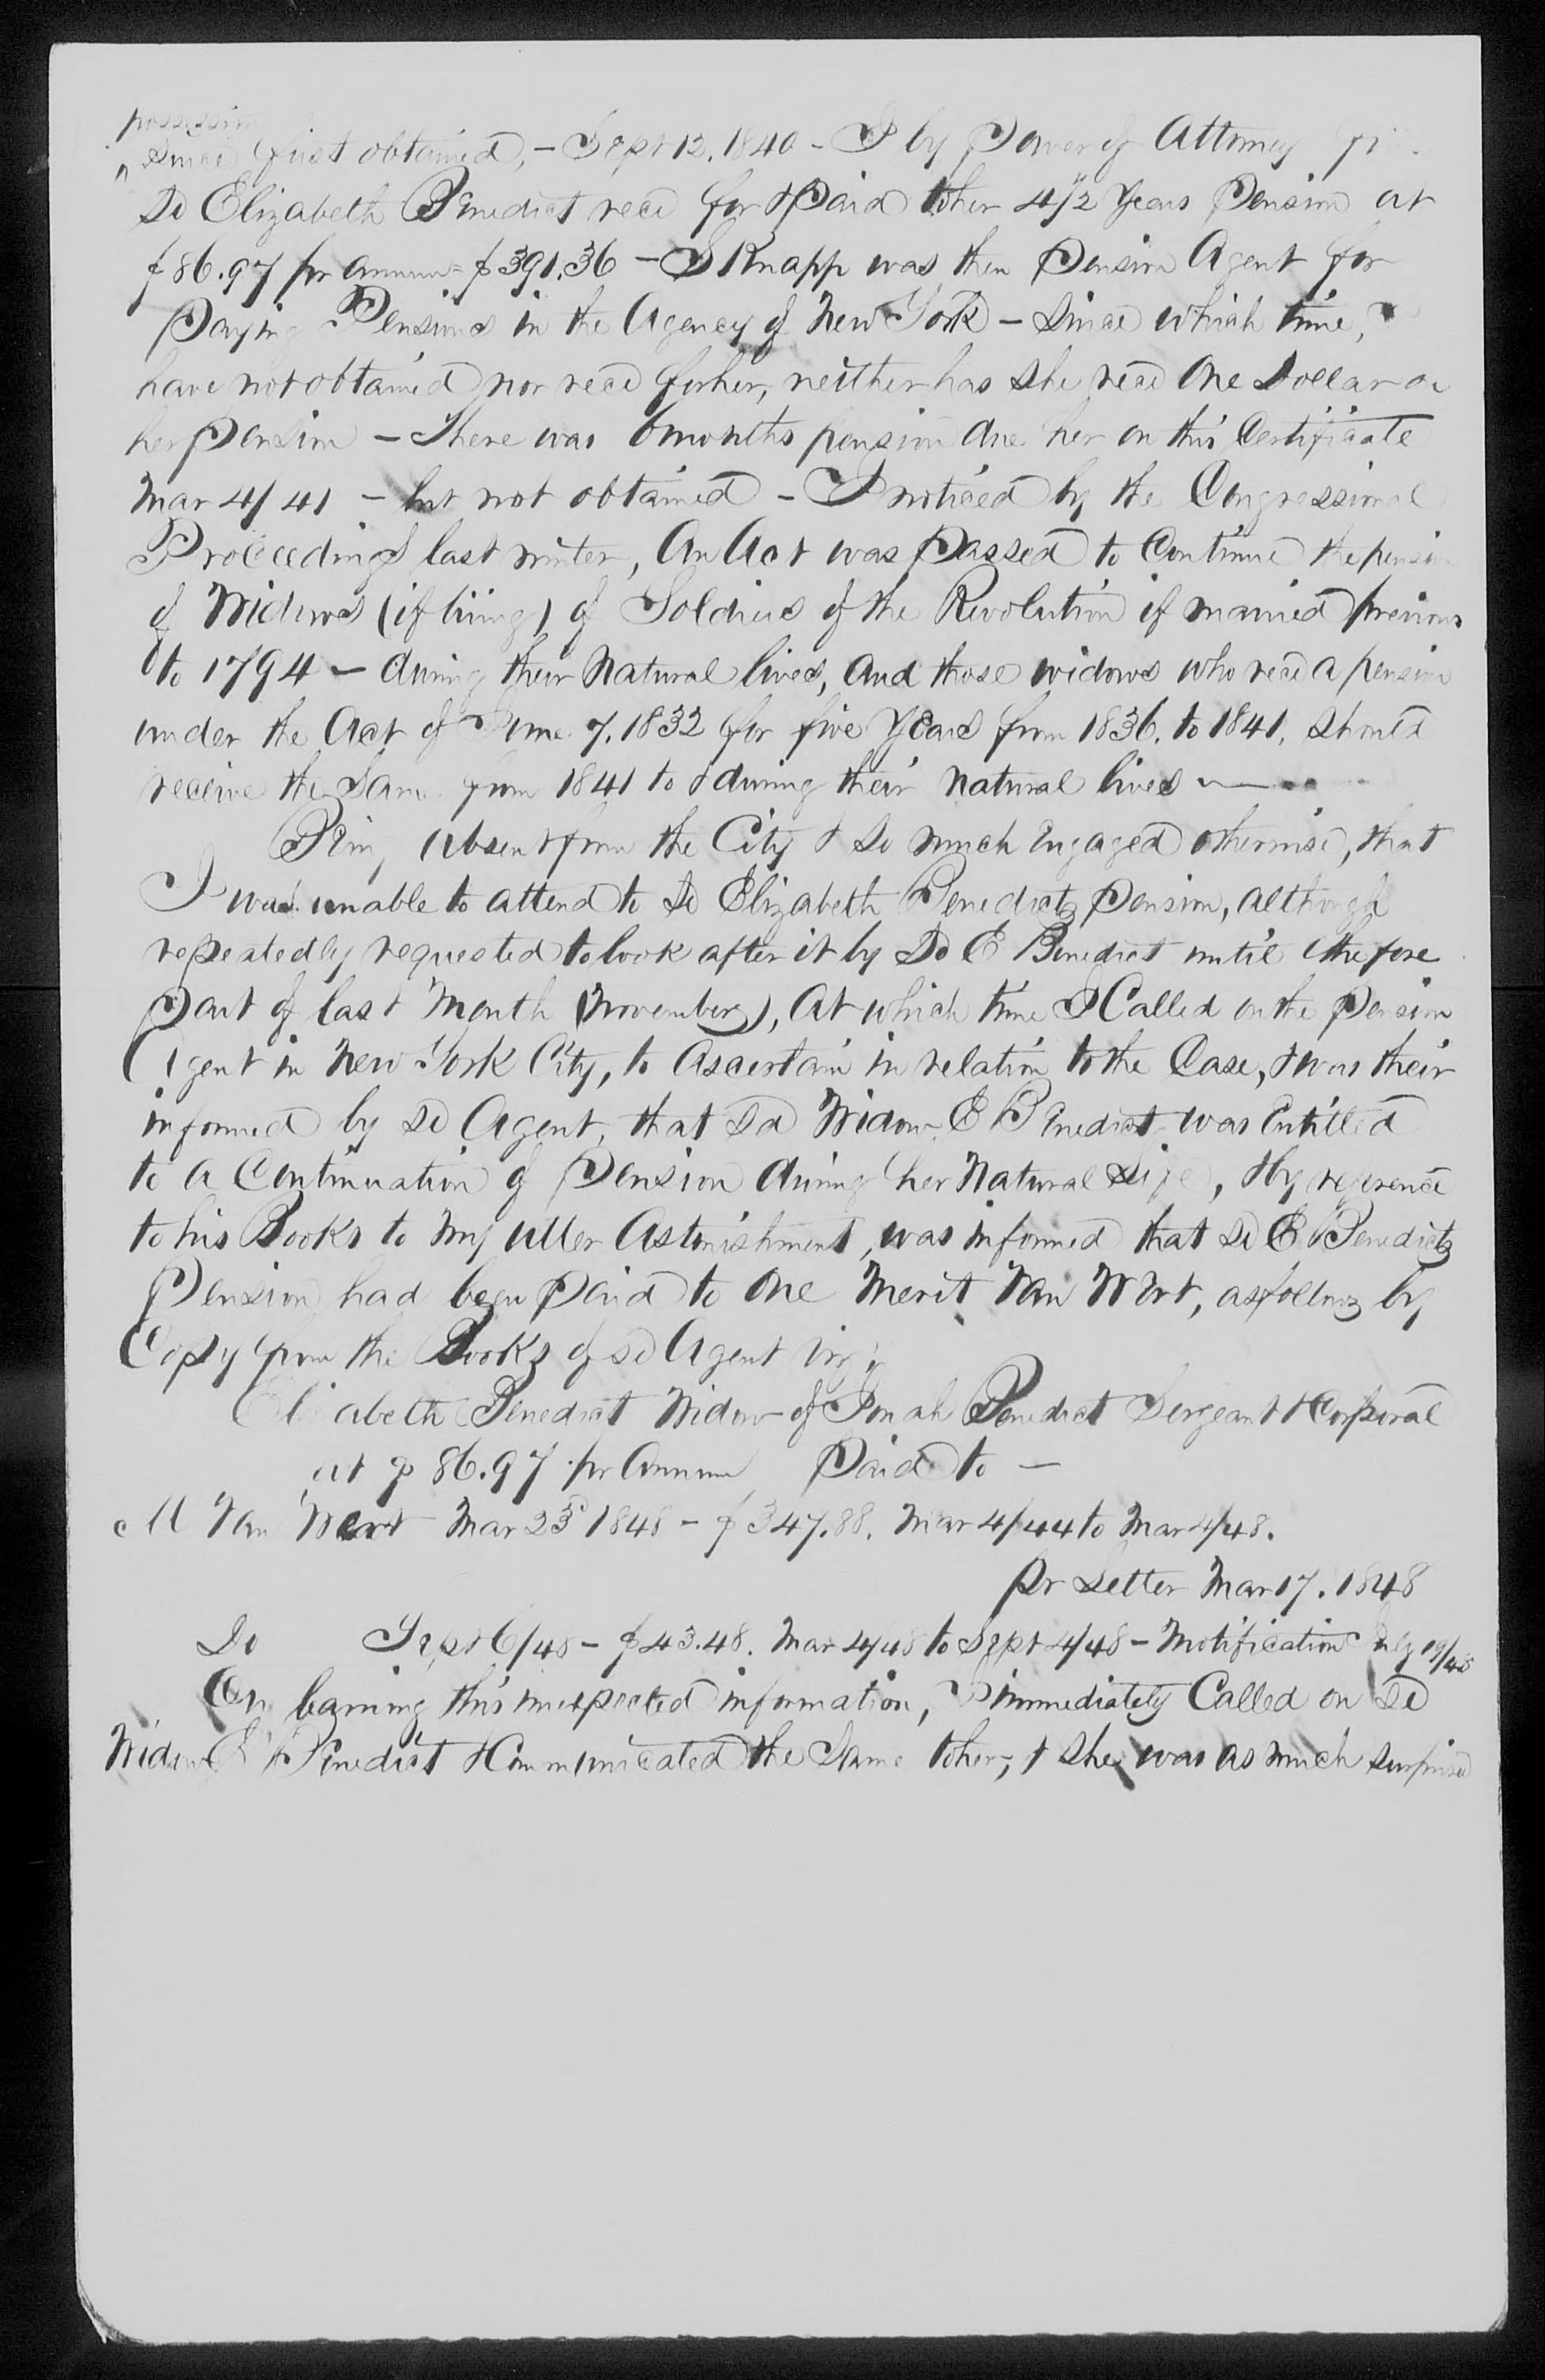possession since first obtained. - Sept 12, 1840. I by Power of Atty prior
to Elizabeth Benedict reced for & paid to her4 ½ years pension at
$86.97 per annum $391.36 - S Knapp was the Pension Agent for
paying Pension in the Agency of New York - since which time I
have not obtained nor recd for her, neither has She recd one Dollar or
her pension - There was a months pension due her on this Certificate
Mar 441 - let not obtained - noticed by the Congression
Proceeding last winter, an act was passed to continue the perse
of Widowas (if living of Soldiers of the Revolution if married previous
to 1794 - during their natural lives, and those widows who rece a person
under the act of June 7, 1832 for five years from 1836 to 1841, Smith
receive the same from 1841 to & during their natural lives -
Being absent from the City & so much engaged otherwise, that
was unable to attend to so Elizabeth Benedict Pension, although
repeatedly requested to look after it by sd E Bindred until the fore
part of last month November, at which time I called on the pension
igent in New York City, to ascertain in relation to the case, & was their
informed by so Agent, that a Widow. E Benedict was Entitled
to a continuation of Pension Anning her natural Life by reprence
to his looks to my utter astonishment, was informed that so Benedict
Pension had been paid to one merit Tin Wart, as follows by
Copy from the Books of so agent in
Elzabeth Tenedet Widow of Jonah Benedict Sergeant & Corporal
at $86.97 pr annum said to-
1
The West Mar 23 1840-9347.88. Mar 444 to Mar 18
Petter Mar 17. 1848
to 26 /5 - $43.48. Mar 4745 to Sept 4/48 - motification by
or barning this expected information, immediately called on me
Widow deat & communicated the same there, & she was as much surprised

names: Elizabeth Benedict, E Benedict, E Benedict, E Benedict, Jonah Benedict, Elizabeth Benedict, S Knapp, E Benedict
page: 35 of 56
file: [ILLEGIBLE], Jonah Benedict, Conn.